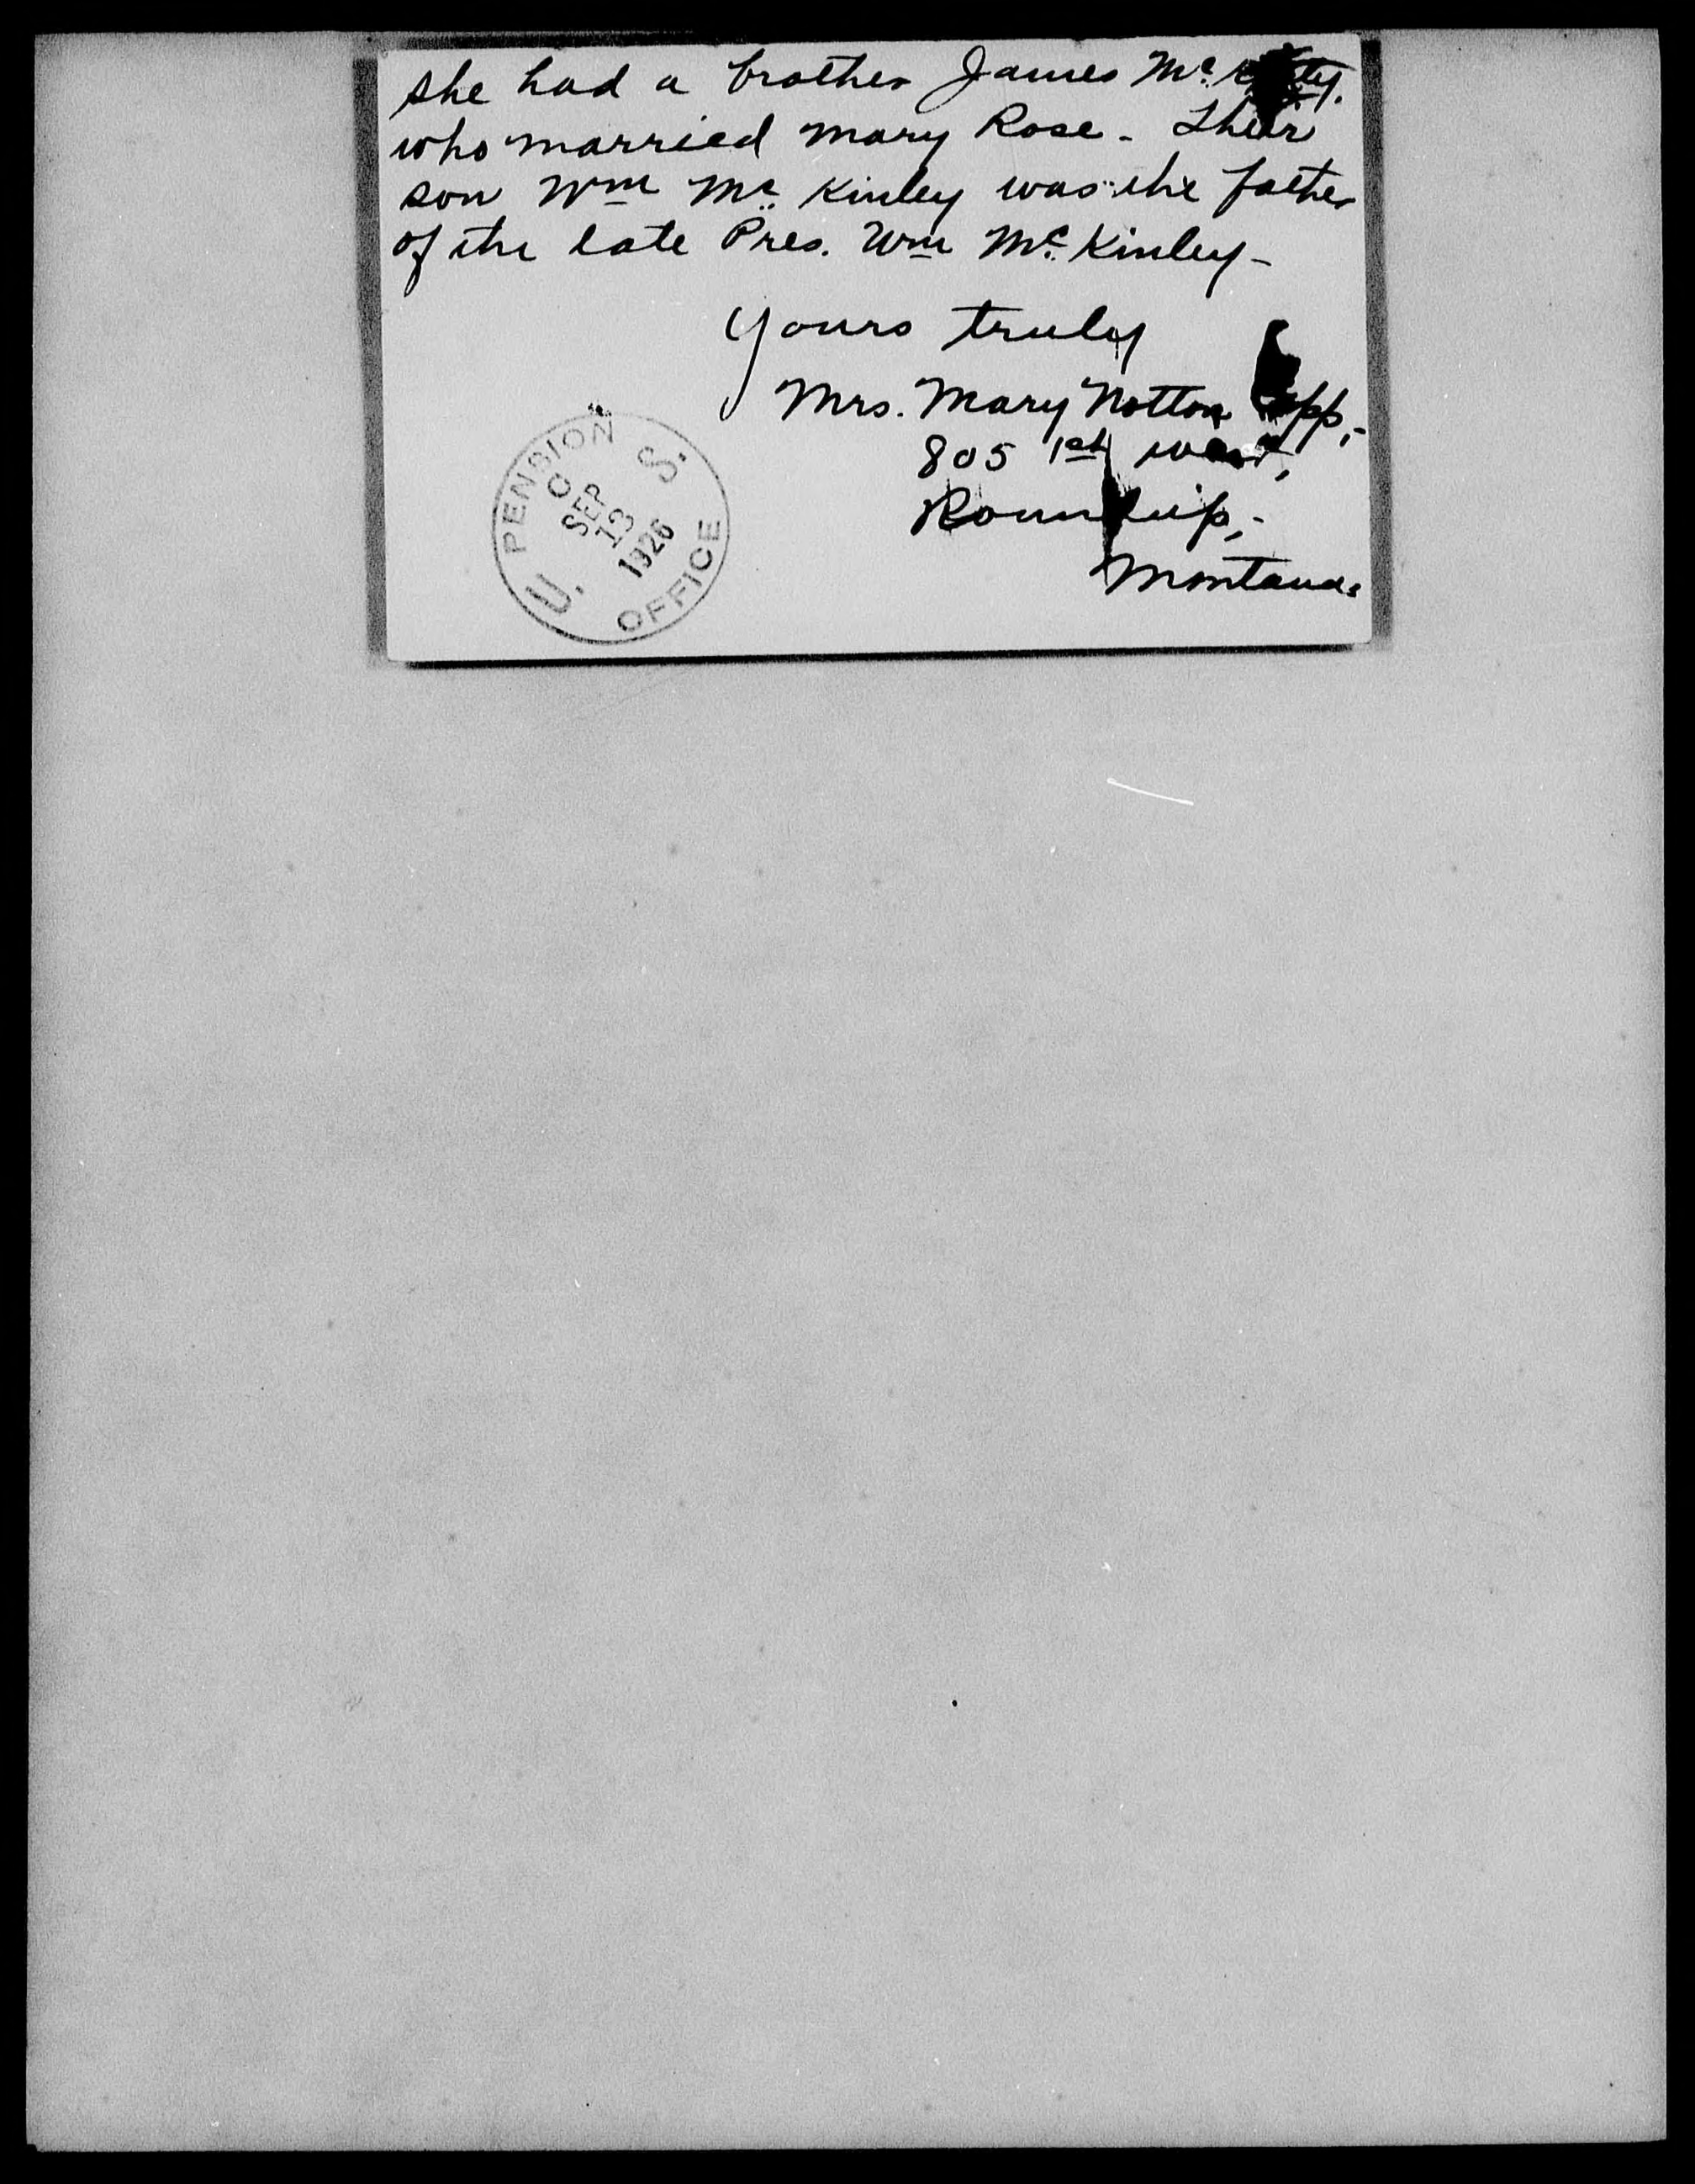she had a brother James McKinley,
who married Mary Rose. Their
son Wm McKinley was the father
of the late Pres. Wm. McKinley.

Yours truly
Mrs. Mary Notton [illegible]
app
805 1st West
Roundup,
Montana

[stamp]
U.S. Pension Office
G
Sep 13 1926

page: 23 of 39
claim: survivor's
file: S. 2812, for David Mc Kinley, Pennsylvania